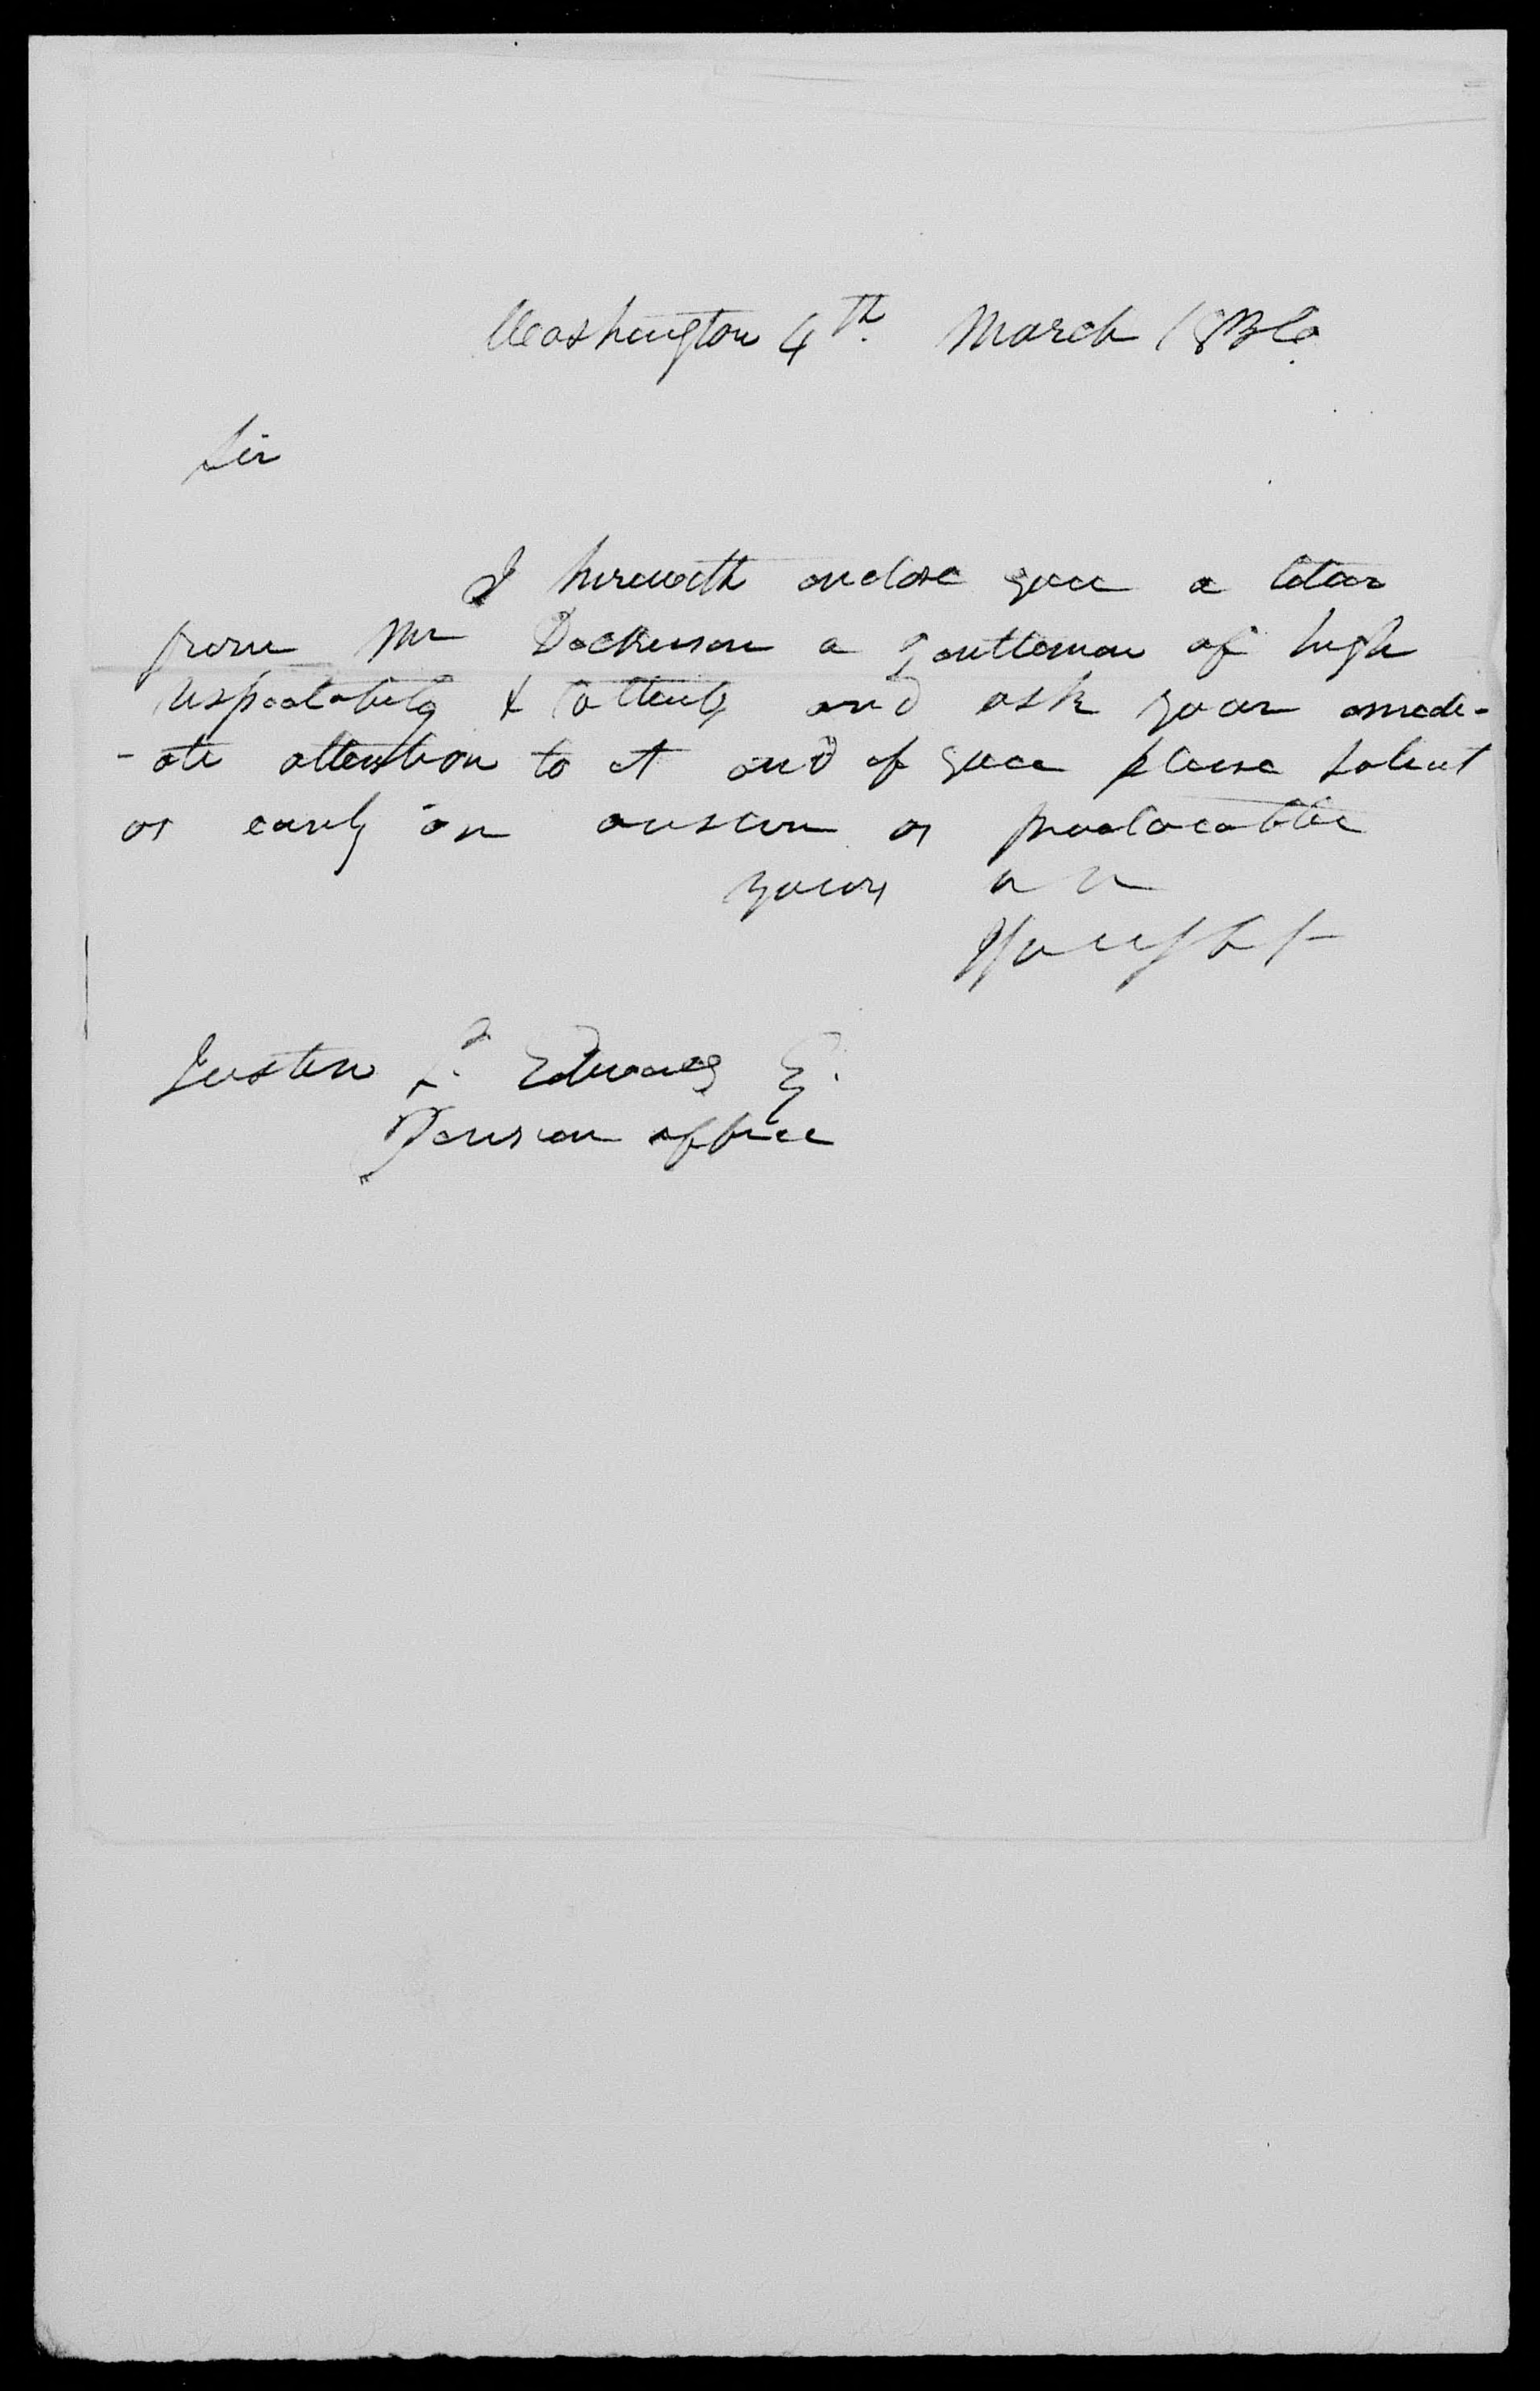Washington 4th March 1836.

Sir

I herewith enclose you a letter from Mr Dockerson a gentleman of high respectability & [illegible], and ask your amidiate [sic: immediate] attention to it and if [illegible] please lokut as early or [illegible] as practacable [sic]
yours an
S/Haupt

Justin L. Edwards Eq.
Pension office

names: Justin L Edwards, Dockerson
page: 36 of 42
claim: survivor's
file: S. 6579, Henry Barnhill, N. C.